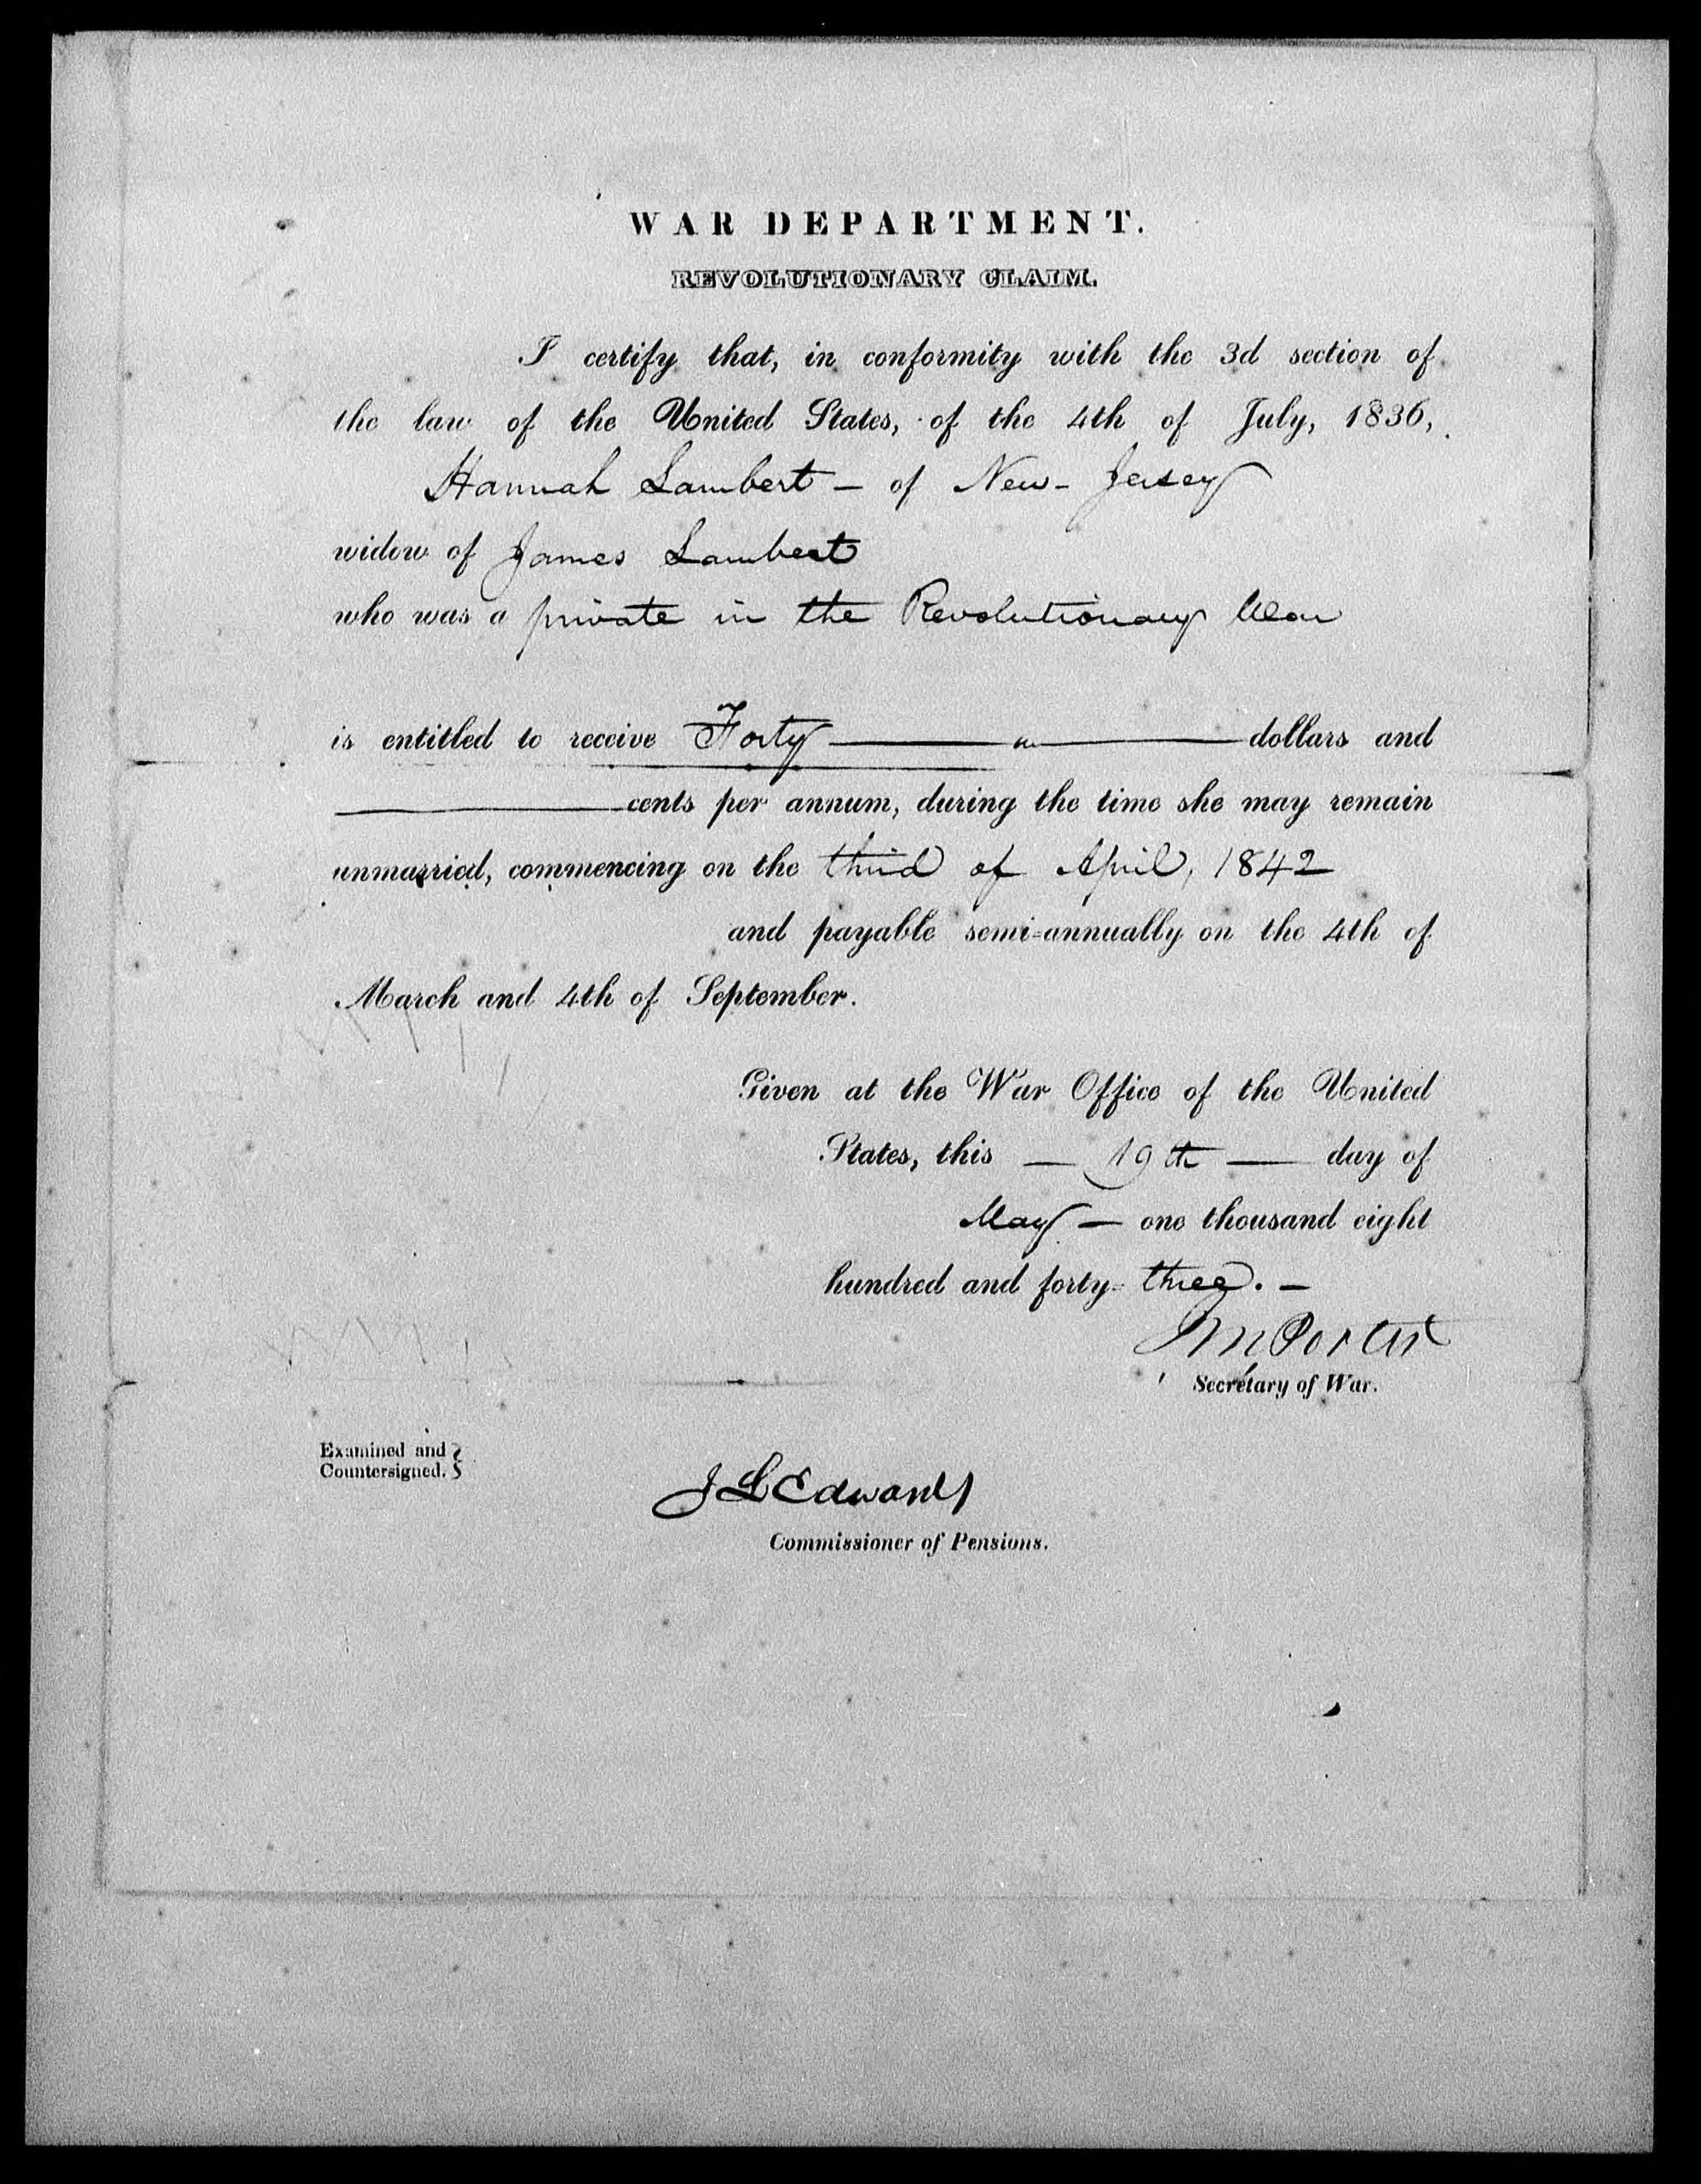WAR DEPARTMENT.
REVOLUTIONARY CLAIM
I certify that in conformity with the 3d section of the law of the United States, of the 4th of July, 1836,
Hannah Lambert of New Jersey widow of James Lambert who was a private in the Revolutionary War is entitled to receive Forty
dollars and ____ cents per annum, during the time she may remain unmarried, commencing on the third of April, 1842 and payable semi-annually on the 4th of March and 4th of September.
Given at the War Office of the United States, this 19th day of May one thousand eight hundred and forth three. 
J M Porter
Secretary of War.
[Examined and Countersigned]
J L Edwards
Commissioner of Pensions.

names: J M Porter; Hannah Lambert; J L Edwards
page: 41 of 49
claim: widow's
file: W. 859, for James Lambert, New Jersey